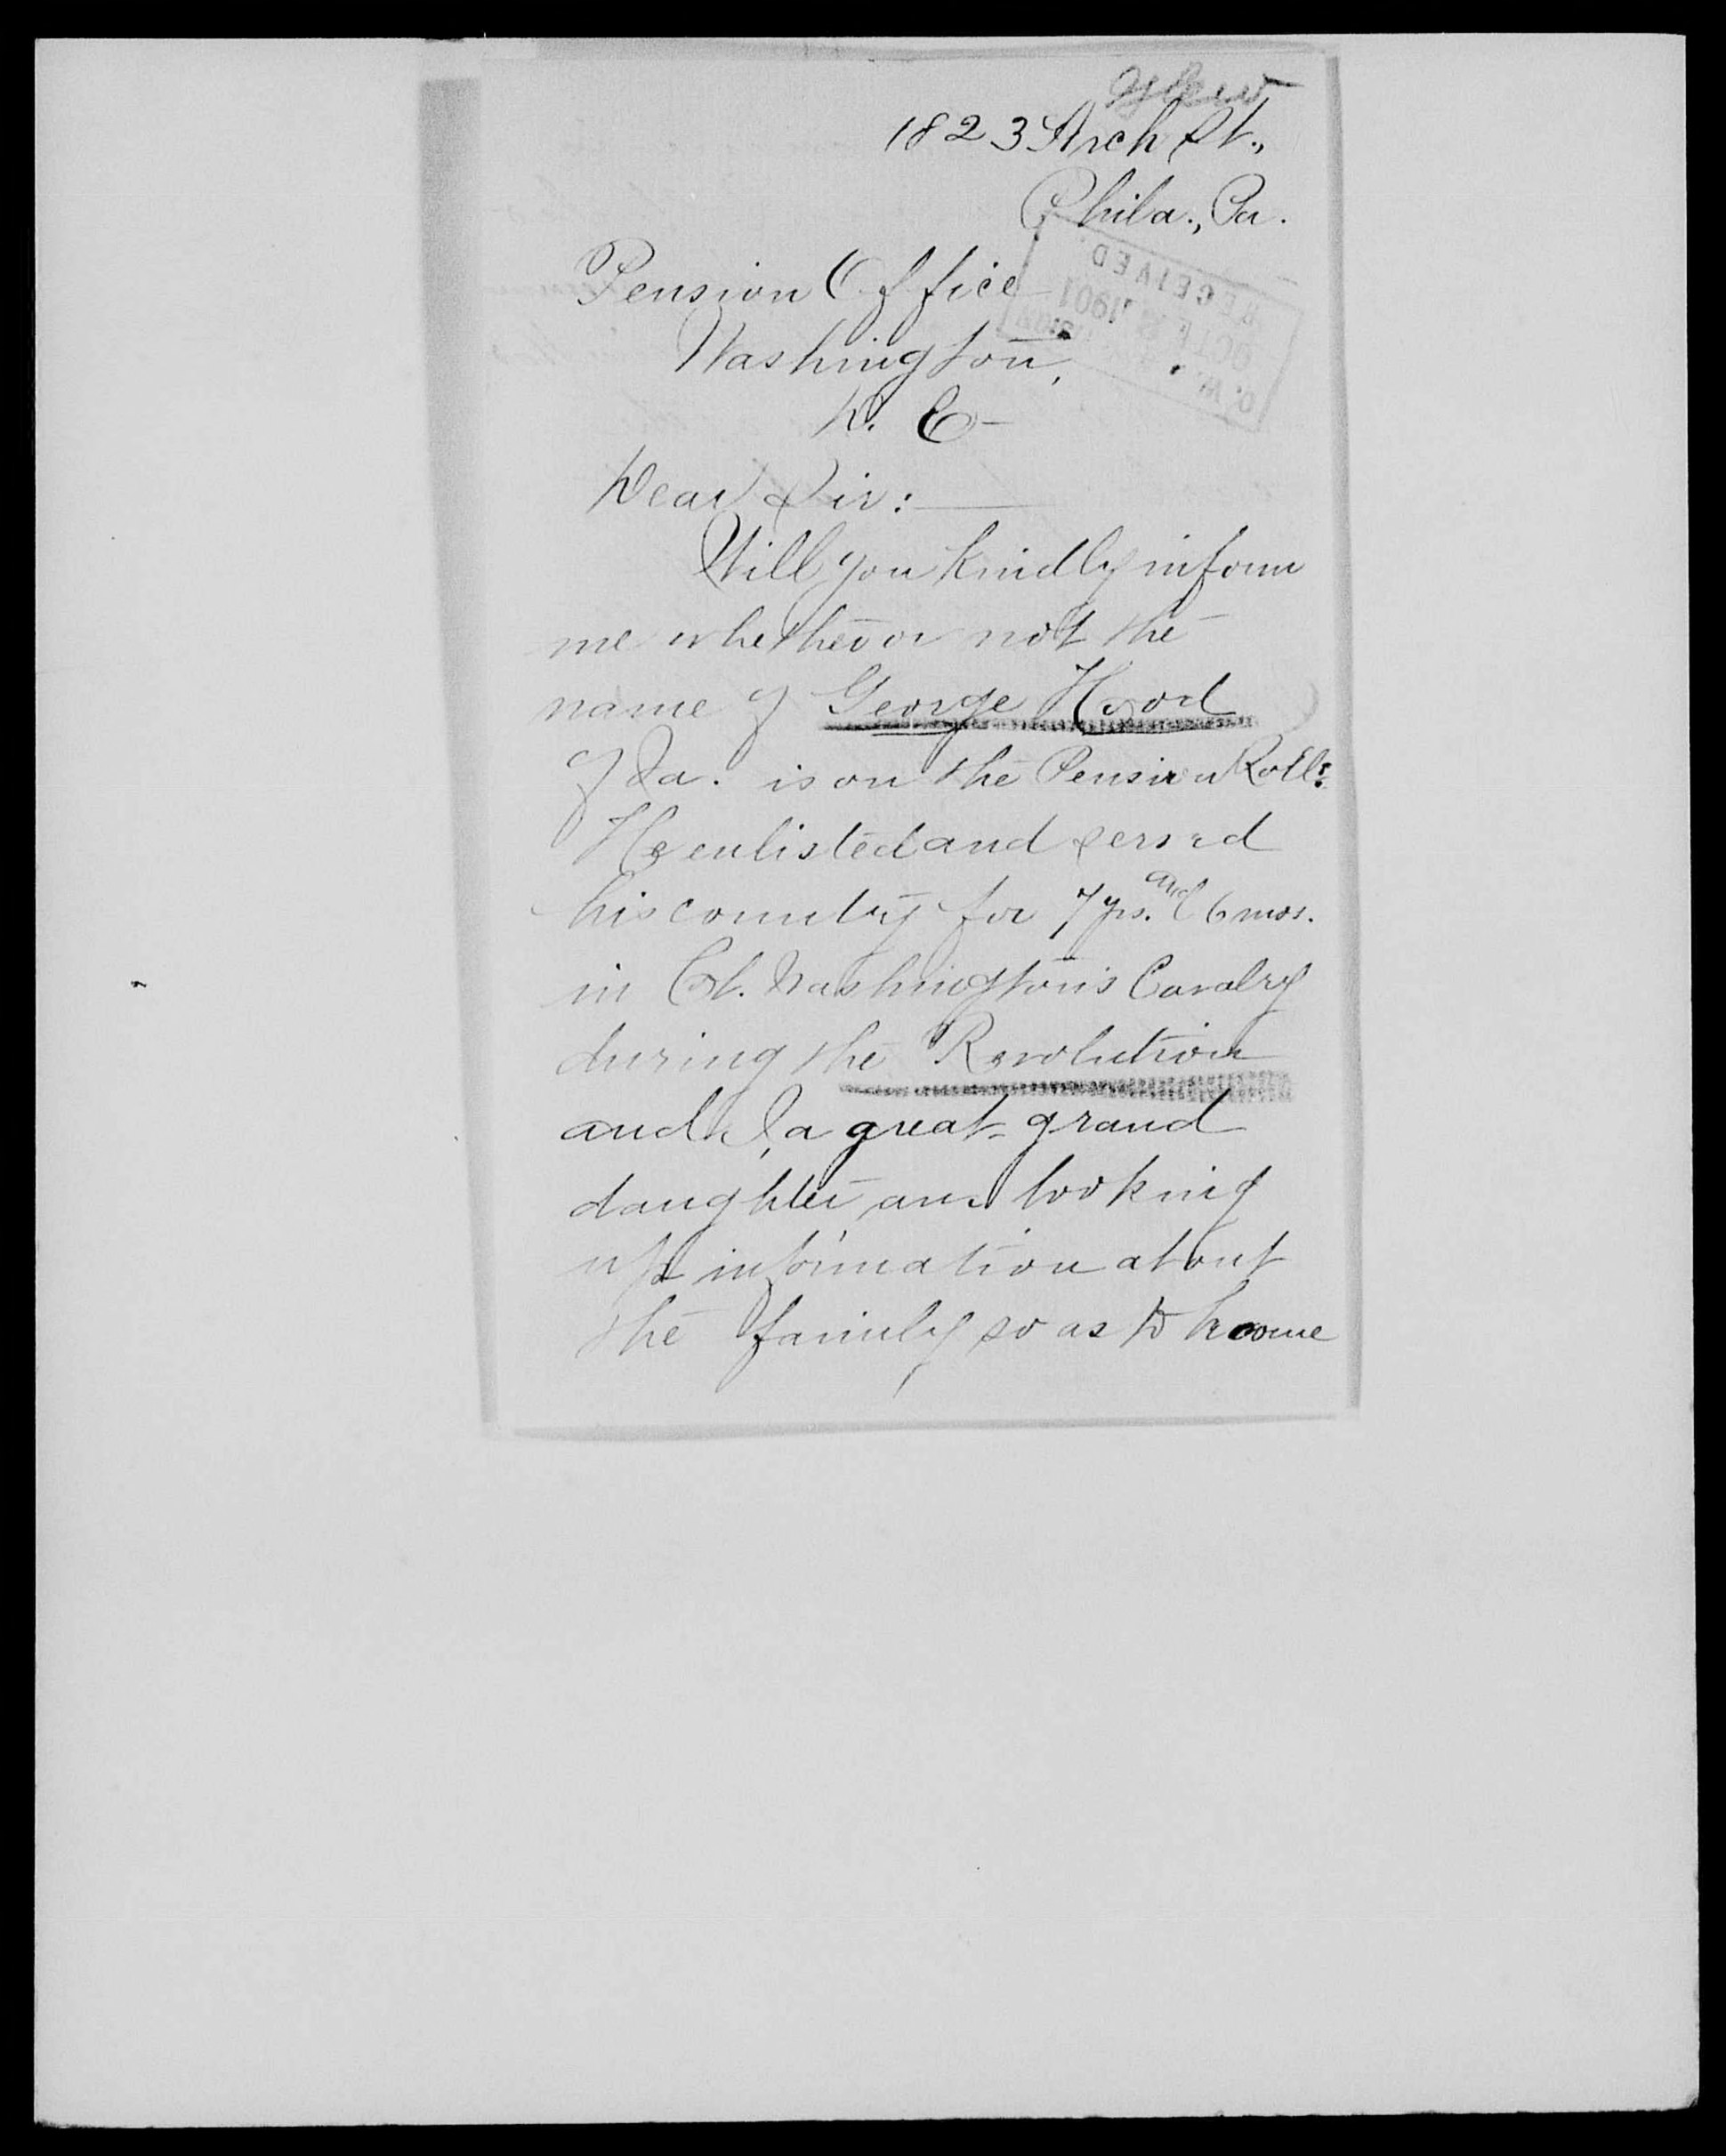1823 Arch St. 
Philadelphia, Pennsylvania
Pension Office
Washington D.C.
Dear sir,
Will you kindly inform me whether or not the name of George Hood of PA is on the Pension Rolls. He enlisted and served his country for 7 years and 6 months in Col. Washington’s Cavalry during the Revolution. And I, a great granddaughter, am looking up information about the family as to how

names: George Hood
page: 49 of 51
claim: widow's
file: W 8939, George Hood, Continental Va.